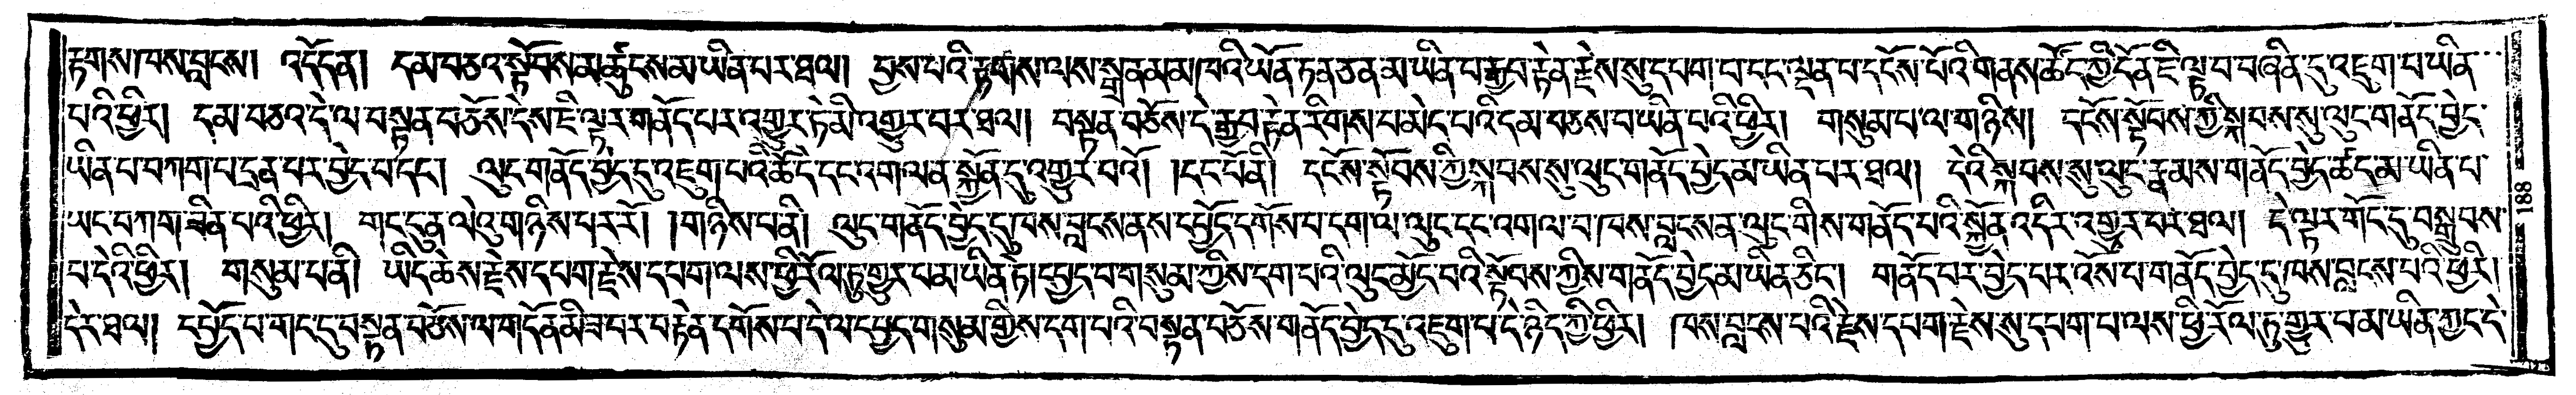རྟགས་ཁས་བླངས། འདོད་ན། དམ་བཅའ་སྟོབས་མཚུངས་མ་ཡིན་པར་ཐལ། བྱས་པའི་རྟགས་ལས་སྒྲ་ནམ་མཁའི་ཡོན་ཏན་ཅན་མ་ཡིན་པ་རྒྱབ་རྟེན་རྗེས་སུ་དཔག་པ་དང་ལྡན་པ་དངོས་པོའི་གནས་ཚོད་ཀྱི་དོན་ཇི་ལྟ་བ་བཞིན་དུ་འཇུག་པ་ཡིན་
པའི་ཕྱིར། དམ་བཅའ་དེ་ལ་བསྟན་བཅོས་དེས་ཇི་ལྟར་གནོད་པར་འགྱུར་ཏེ་མི་འགྱུར་བར་ཐལ། བསྟན་བཅོས་དེ་རྒྱབ་རྟེན་རིགས་པ་མེད་པའི་དམ་བཅས་པ་ཡིན་པའི་ཕྱིར། གསུམ་པ་ལ་གཉིས། དངོས་སྟོབས་ཀྱི་སྐབས་སུ་ལུང་གནོད་བྱེད་
ཡིན་པ་བཀག་པ་དྲན་པར་བྱེད་པ་དང་། ལུང་གནོད་བྱེད་དུ་འཇུག་པའི་ཚེ་དེ་དང་འགལ་ན་སྐྱོན་དུ་འགྱུར་བའོ། །དང་པོ་ནི། དངོས་སྟོབས་ཀྱི་སྐབས་སུ་ལུང་གནོད་བྱེད་མ་ཡིན་པར་ཐལ། དེའི་སྐབས་སུ་ལུང་རྣམས་གནོད་བྱེད་ཚད་མ་ཡིན་པ་
ཡང་བཀག་ཟིན་པའི་ཕྱིར། གང་དུ་ན་ལེའུ་གཉིས་པར་རོ། །གཉིས་པ་ནི། ལུང་གནོད་བྱེད་དུ་ཁས་བླངས་ནས་དཔྱོད་དགོས་པ་དག་ལ་ལུང་དང་འགལ་བ་ཁས་བླངས་ན་ལུང་གིས་གནོད་པའི་སྐྱོན་འདིར་འགྱུར་བར་ཐལ། དེ་ལྟར་གོང་དུ་བསྒྲུབས་
པ་དེའི་ཕྱིར། གསུམ་པ་ནི། ཡིད་ཆེས་རྗེས་དཔག་རྗེས་དཔག་ལས་ཕྱི་རོལ་ཏུ་གྱུར་པ་མ་ཡིན་ཏེ། དཔྱད་པ་གསུམ་ཀྱིས་དག་པའི་ལུང་མྱོང་བའི་སྟོབས་ཀྱིས་གནོད་བྱེད་མ་ཡིན་ཅིང་། གནོད་པར་བྱེད་པར་འོས་པ་གནོད་བྱེད་དུ་ཁས་བླངས་པའི་ཕྱིར།
དེར་ཐལ། དཔྱོད་པ་གང་དུ་བསྟན་བཅོས་ལ་གདོན་མི་ཟ་བར་བརྟེན་དགོས་པ་དེ་ལ་དཔྱད་གསུམ་གྱིས་དག་པའི་བསྟན་བཅོས་གནོད་བྱེད་དུ་འཇུག་པ་དེ་ཉིད་ཀྱི་ཕྱིར། ཁས་བླངས་པའི་རྗེས་དཔག་རྗེས་སུ་དཔག་པ་ལས་ཕྱི་རོལ་ཏུ་གྱུར་པ་མ་ཡིན་ཀྱང་དེ་